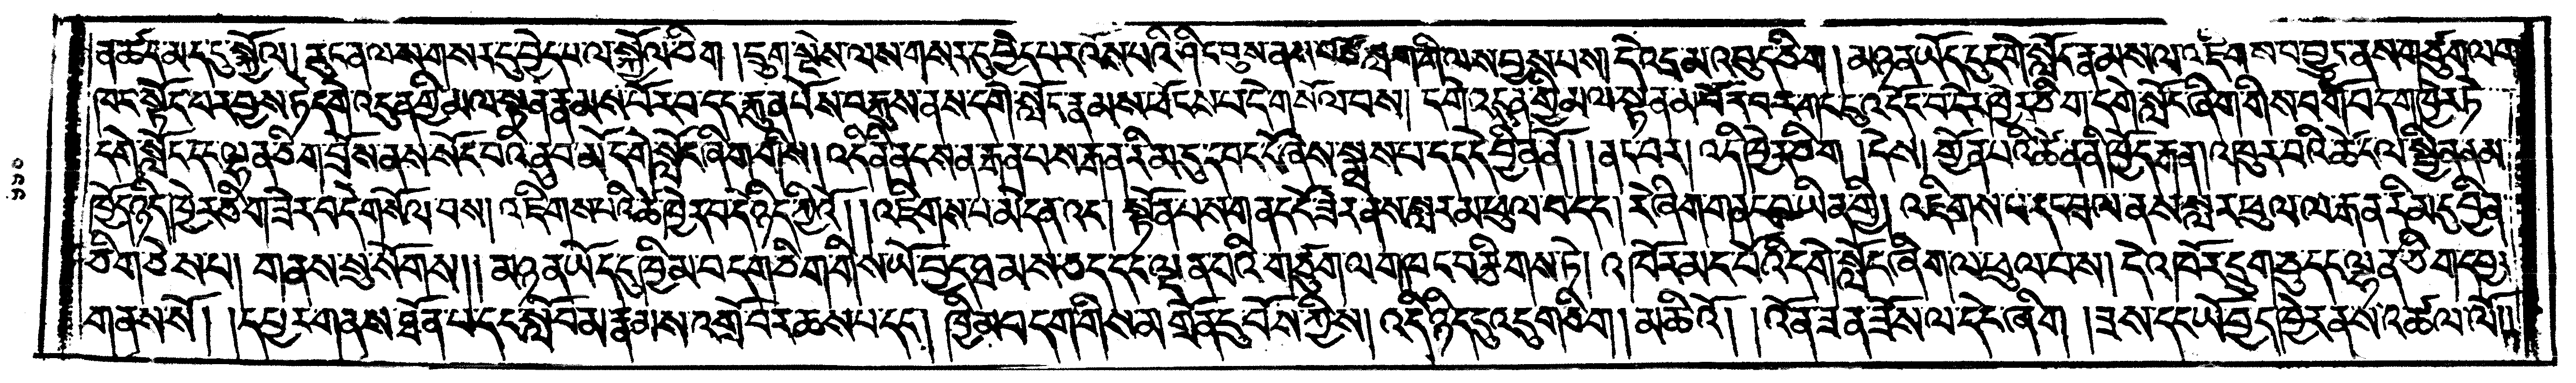ན་ཚད་མད་དུ་སྐྱོལ། རུང་ན་ལས་གསར་དུ་བྱེད་པ་ལ་སྐྱོལ་ཅིག །དྲུག་སྡེས་ལས་གསར་དུ་བྱེད་པར་འོས་པའི་ཤིང་བུས་ནས་བཙོ་བླག་གི་ལས་བྱས་པས། དེ་འདྲ་མ་འབུད་ཅིག། མཉན་ཡོད་དུ་དགེ་སློང་རྣམས་ལ་འཇིགས་པ་བྱུང་ནས་གཙུག་ལག་
ཁང་སྟོད་པར་བྱས་ཏེ་དགེ་འདུན་གྱི་མ་ལ་སྟན་རྣམས་པོར་བ་དང་རྐུན་པོས་བརྐུས་ནས་དགེ་སློང་རྣམས་ཕོངས་པ་དེ་གསོལ་བས། དགེ་འདུན་གྱི་མལ་སྟན་མ་བོར་བར་གང་དུ་འདོང་བ་དེར་ཁྱེར་ཅིག་དགེ་སློང་ཞིག་གིས་བགོ་བ་དག་ཁྱེར་ཏེ་
དགེ་སློང་དང་ལྷན་ཅིག་བྲོས་ནས་སོང་བའི་ནུབ་མོ་དགེ་སློང་ཞིག་གིས། འདི་ནི་ནངས་ན་རྒན་པས་རྒན་རིམ་དུ་དབང་ངོ་ཞེས་སྨྲས་པ་དང་དེ་བྱིན་ནོ། །ནང་བར། འདི་ཁྱེར་ཅིག །དེས། གྱོན་པའི་ཚེ་ན་ནི་ཁྱོད་རྒན། འཁུར་བའི་ཚེ་ངལ་སྦྱིན་ནམ་
ཁྱོད་ཉིད་ཁྱེར་ཅིག་ཟེར་བདེ་གསོལ་བས། འཇིགས་པའི་ཚེ་ཁྱེར་བ་དེ་ཉིད་ཀྱིའོ། །འཇིགས་པ་མེད་ན་འང་། སྟོན་པས་གནང་ངོ་ཟེར་ནས་སླར་མ་ཕུལ་བ་དང་། རེ་ཞིག་གནང་བ་ཡིན་གྱི། འཇིགས་པ་དང་བྲལ་ནས་སླར་ཕུལ་ལ་རྒན་རིམ་དུ་བྱིན་
ཅིག་ཅེས་པ། གནས་སུ་སོགས།། མཉན་ཡོད་དུ་ཁྱིམ་བདག་ཅིག་གིས་ཡོ་བྱད་ཐམས་ཅད་དང་ལྡན་པའི་གཙུག་ལག་ཁང་བརྩིགས་ཏེ། འཁོར་མང་པོའི་དགེ་སློང་ཞིག་ལ་ཕུལ་བས། དེ་འཁོར་དྲུག་ཅུ་དང་ལྷན་ཅིག་དབྱར་
གནས་སོ། །དཔྱར་གནས་ཐོན་པ་དང་སློབ་མ་རྣམས་འགྲོ་བར་ཆས་པ་དང་། ཁྱིམ་བདག་གིས་མགྲོན་དུ་བོས་ཀྱིས། འདི་ཉིད་དུ་འདུག་ཅིག། མཆིའོ། །འོ་ན་ཟན་ཟོས་ལ་དེང་ཞིག །བྲས་དང་ཡོ་བྱད་ཁྱེར་ནས་འཚལ་ལོ།།